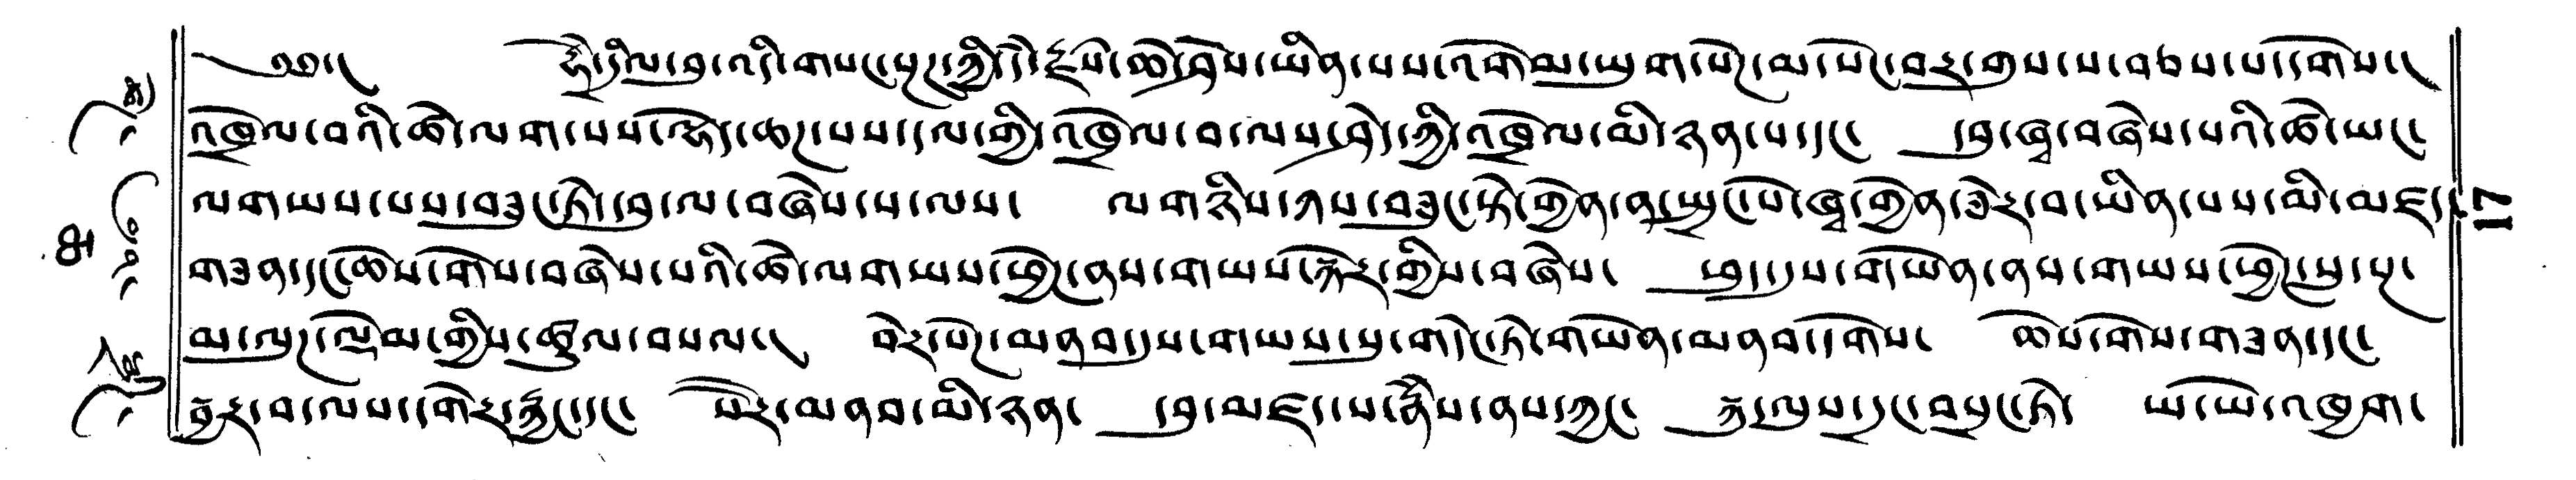རྡོ་རྗེ་དྲིལ་བུ་འདི་གསང་སྔགས་ཀྱི་དམ་རྫས་ཆེ་ཤོས་ཡིན་པས་འགོམ་ཡུག་སོགས་མ་སོང་བར་གུས་པ་དང་བཅས་པ་དགོས། 
འཁྲོལ་བའི་ཚེ་ལག་པར་ལྷོད་ཆགས་པས་དལ་གྱི་འཁྲོལ་བ་ལས་ཤེད་ཀྱི་འཁྲོལ་མི་ཉན་པ་དང་། དབུ་ཞྭ་བཞེས་པའི་ཚེ་ཡང་
ལག་གཡས་པས་བཟུང་ཏེ་དབུ་ལ་བཞེས་པ་ལས། ལག་གཉིས་ཀས་བཟུང་སྟེ་གྱོན་ན་སྤྲང་པོ་ཞྭ་གྱོན་ཟེར་བ་ཡིན་པས་མི་མཛད། 
གཟན་དང་ཆོས་གོས་བཞེས་པའི་ཚེ་ལག་གཡས་ཕྱོགས་ནས་གཡས་སྐོར་གྱིས་བཞེས། ཕུད་དུས་གཡོན་ནས་གཡས་ཕྱོགས་སུ་སྔ་མ་
ལས་ལུགས་ལྡོག་ཏུ་བྱ། བེར་སོགས་མནབ་དུས་གཡས་སུ་གདེང་ཏེ་གཡོན་ནས་མནབ་དགོས། ཆོས་གོས་གཟན་དང་
སྦྱར་བ་ལས་ཁེར་རྐྱང་དང་། སོ་སོར་མནབ་མི་ཉན། དབུ་མཛད་པ་རྣམས་ནས་ཀྱང་། སྐུ་ལུས་དྲང་པོར་བསྲངས་ཏེ། ཡ་ཡོ་ཁྱག་